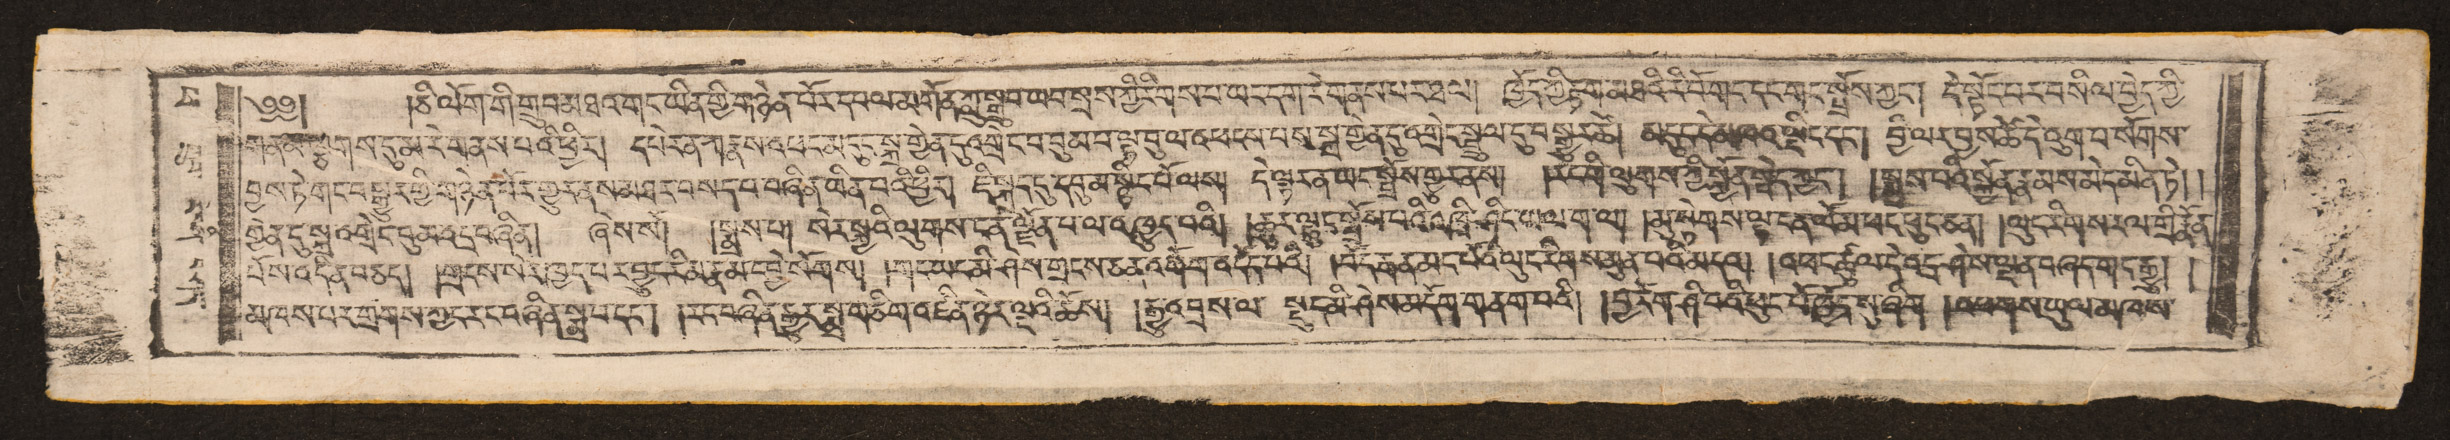༄༅། །ཅི་ལོག་གི་གྲུབ་མཐའ་གང་ཡིན་གྱི་གཉེན་པོར་དཔལ་མགོན་ཀླུ་སྒྲུབ་ཡབ་སྲས་ཀྱི་རིགས་པ་ཡང་དག་རེ་གནས་པར་ཐལ། ཁྱོད་ཀྱི་རྟག་མཐའི་རི་བོ་གང་དང་གང་སྤྲོས་ཀྱང་། དེ་སྟོང་བར་བསིལ་བྱེད་ཀྱི་
གནམ་ལྕགས་དུ་མ་རེ་གནས་པའི་ཕྱིར། དཔེར་ན་ཀརྣས་འཕང་མདུད་སྐྲ་གྱེན་དུ་འགྲེང་བ་བུམ་པ་ལྟ་བུ་ལ་འཕངས་པས་སྐྲ་གྱེན་དུ་འགྲེང་སྦྲུལ་དུ་བསྒྱུར་ཚེ། མདུད་དེ་མཁའ་ལྡིང་དང་། བྱི་ལར་བྱས་ཚེ་དེ་འུག་པ་སོགས་
བྱས་ཏེ་གང་བསྒྱུར་གྱི་གཉེན་པོར་གྱུར་ནས་མཐར་བསད་པ་བཞིན་ཡིན་པའི་ཕྱིར། ཇི་སྐད་དུ་དབུ་མ་སྙིང་པོ་ལས། དེ་ལྟར་ན་ཡང་སྤྲོས་གྱུར་ནས། །རང་གི་ལུགས་ཀྱི་སྐྱོན་སྦེད་ཀྱང་། །སྨྲས་པའི་སྐྱོན་རྣམས་མེད་མིན་ཏེ།།
གྱེན་དུ་སྐྲ་འགྲེང་བུམ་འདྲ་བཞིན། ཞེས་སོ། །སྨྲས་པ། སེར་སྐྱའི་ལུགས་ངན་ལྗོན་པ་ལ་འཁྱུད་པའི། །ཆུར་ལྷུང་སྤྲོས་པའི་འཁྲི་ཤིང་ཡལ་ག་ལ། །མུ་སྟེགས་ལྟ་ངན་ལོ་མ་ཕང་ཕུང་ཅན། །ལུང་རིགས་རལ་གྲི་རྣོན་
པོས་འདི་ན་བཅད། །གྲངས་སེར་ཁྱད་པར་བྱུང་རིམ་རྣམ་དབྱེ་སོགས། །གང་ཡང་མི་ཤེས་གྲངས་ཅན་འགོག་འདོད་པའི། །བོང་?་རྒན་མང་པོའི་ལུང་རིགས་མུན་པའི་མདའ། །འཕང་ཚུལ་དེ་འདྲ་ཤེས་ལྡན་བཞད་གང་རྒྱུ། །
མཁས་པར་གྲགས་ཀྱང་རང་བཞིན་སྨྲ་བ་དང་། །རང་བཞིན་རྒྱུར་སྨྲ་གཅིག་འཛིན་ཉེར་ལྔའི་ཆོས། །རྒྱུ་འབྲས་ལ་སྡུད་མི་ཤེས་མདོག་གནག་པའི། །བྱ་རོག་ཤི་བའི་ཕུང་པོ་ཁྱོད་སུ་ཞིག །འཕགས་ཡུལ་མཁས་